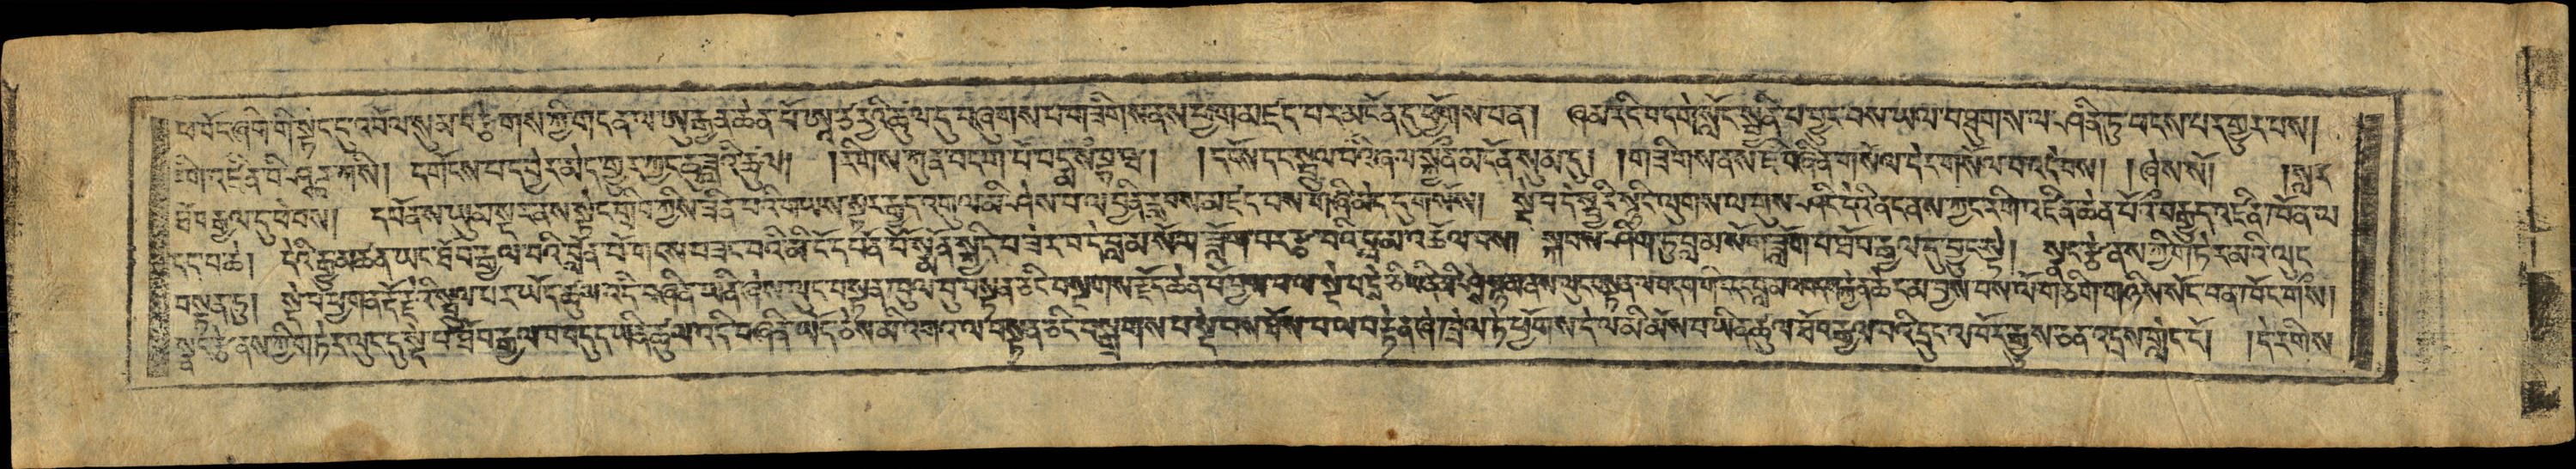པ་བོང་ཞིག་གི་སྟེང་དུ་འབོལ་སུམ་བརྩེགས་ཀྱི་གདན་ལ་ཨུ་རྒྱན་ཆེན་པོ་ཨཱ་ཙརྱའི་ཚུལ་དུ་བཞུགས་པ་གཟིགས་ནས་ཕྱག་མཛད་པར་མངོན་དུ་ཕྱོགས་པ་ན། ཞམ་རིང་བ་དགེ་སློང་སྦྱིན་པ་བྱུང་བས་ཡལ་བ་ཐུགས་ལ་ཤིན་ཏུ་པངས་པར་གྱུར་པས།
རིག་འཛིན་བི་ཤྭཌཱ་ཀིས། དགོངས་པ་དབྱེར་མེད་གྱུར་ཀྱང་ཆུ་ཟླའི་ཚུལ། །རིགས་ཀུན་བདག་པོ་པདམ་སཾ་བྷ་ཝ། །དངོས་དང་སྤྲུལ་པའི་ཞལ་སྐྱྀན་མངོན་སུམ་དུ། །གཟིགས་ནས་ཇི་བཞིན་གསོལ་དེར་གསོལ་བ་འདེབས། །ཞེས་སོ། །སླར་
ཐོབ་རྒྱལ་དུ་ཕེབས། དཔོན་ས་ཡུམ་སྔར་ནས་སྟེང་གྲིབ་ཀྱིས་ཟིན་པའི་གཡས་སྟར་རྒྱུད་འགུལ་མི་ཤེས་པ་ལ་བྱིན་རླབས་མཛད་པས་གཞི་མེད་དུ་གསོས། སྡེ་པ་དེ་སྤྱིར་སྙིང་ལུགས་ལ་གུས་ཤིང་དེའི་ནང་ནས་ཀྱང་རིག་འཛིན་ཆེན་པོཨཱྀ་བརྒྱུད་འཛིན་ཁོ་ན་ལ་
དད་པ་ཆེ། དེའི་རྒྱུ་མཚན་ཡང་ཐོབ་རྒྱལ་བའི་བློན་པོ་གངས་བཟང་བའི་མི་ངོ་དཔོན་པོ་སྨོན་སྐྱིད་པ་ཟེར་བ་དེ་བླ་མ་སོག་ཟློག་པར་རྩ་བའི་བླ་མ་འཆོལ་བས། སྐབས་ཤིག་ཏུ་བླ་མ་སོག་ཟློག་པ་ཐོབ་རྒྱལ་དུ་བྱུང་སྟེ། སྣང་རྩེ་ནས་ཀྱི་གཏེར་མའི་ལུང་
བསྟན་ཏུ། སྡེ་པ་ཕྱག་ན་རྡོ་རྗེའི་སྤྲུལ་པར་ཡོད་ཚུལ་འདི་བཞིན་ཡིན་ཞེས་ལུང་བསྟན་ཁུལ་བུ་བསྟན་ཅིང་བསྔགས་རྗོད་ཆེན་པོ་བྱས་པ་ལ་སྡེ་པ་དེས་ཅི་ཡིན་མི་ཤེས་སྙམ་ནས་ལུང་བསྟན་ལ་བདག་གི་ང་དང་བླ་མ་ལ་བདག་རྐྱེན་ཆེར་མ་བྱས་པས་ལོ་གཅིག་གཉིས་སོང་བ་ན་ཁོང་གྀས།
སྣང་རྩེ་ནས་ཀྱི་གཏེར་ལུང་དུ་སྡེ་པ་ཐོབ་རྒྱལ་བ་བདུད་ཡིན་ཚུལ་འདི་བཞིན་ཡོད་ཅེས་མི་འགའ་ལ་བསྟན་ཅིང་བསྒྲགས་པ་སྡེ་པས་ཐོས་པ་ལ་བརྟེན་ཞེ་ཁྲེལ་ཏེ་ཕྱོགས་དེ་ལ་མི་མོས་པ་ཡིན་ཚུལ་ཐོབ་རྒྱལ་བའི་དྲུང་འཁོར་རྒྱུས་ཅན་འདྲས་གླེང་ངོ། །དེ་རིགས་